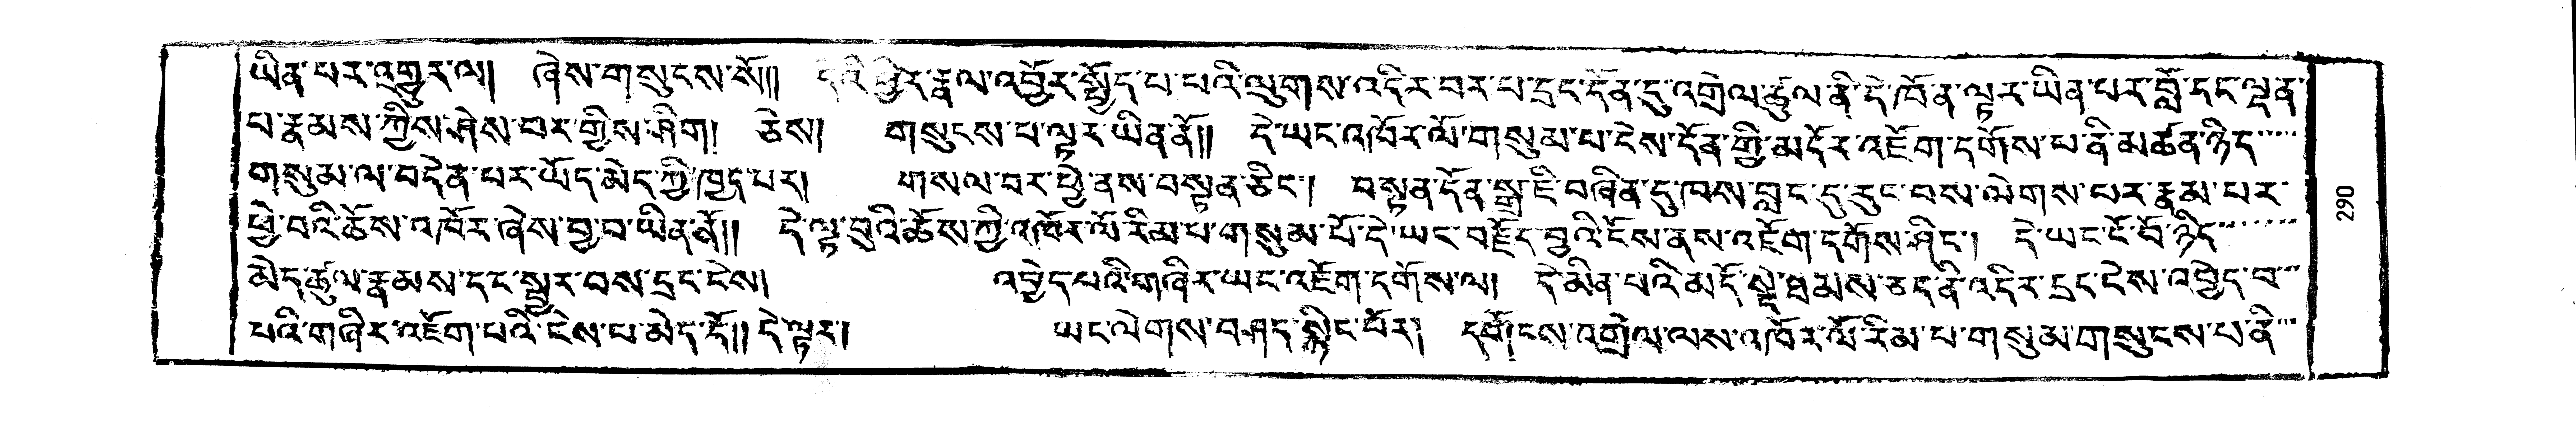ཡིན་པར་འགྱུར་ལ། ཞེས་གསུངས་སོ། །དེའི་ཕྱིར་རྣལ་འབྱོར་སྤྱོད་པ་པའི་ལུགས་འདིར་བར་པ་དྲང་དོན་དུ་འགྲེལ་ཚུལ་ནི་དེ་ཁོ་ན་ལྟར་ཡིན་པར་བློ་དང་ལྡན་
པ་རྣམས་ཀྱིས་ཤེས་བར་གྱིས་ཤིག། ཅེས། གསུངས་པ་ལྟར་ཡིན་ནོ། །དེ་ཡང་འཁོར་ལོ་གསུམ་པ་ངེས་དོན་གྱི་མདོར་འཇོག་དགོས་པ་ནི་མཚན་ཉིད་
གསུམ་ལ་བདེན་པར་ཡོད་མེད་ཀྱི་ཁྱད་པར། གསལ་བར་ཕྱེ་ནས་བསྟན་ཅིང་། བསྟན་དོན་སྒྲ་ཇི་བཞིན་དུ་ཁས་བླང་དུ་རུང་བས་ལེགས་པར་རྣམ་པར་
ཕྱེ་བའི་ཆོས་འཁོར་ཞེས་བྱ་བ་ཡིན་ནོ། །དེ་ལྟ་བུའི་ཆོས་ཀྱི་འཁོར་ལོ་རིམ་པ་གསུམ་པོ་དེ་ཡང་བརྗོད་བྱའི་ངོས་ནས་འཇོག་དགོས་ཤིང་། དེ་ཡང་ངོ་བོ་ཉིད་
མེད་ཚུལ་རྣམ་དང་སྦྱར་བས་དྲང་ངེས། འབྱེད་པའི་གཞིར་ཡང་འཇོག་དགོས་ལ། དེ་མིན་པའི་མདོ་སྡེ་ཐམས་ཅད་ནི་འདིར་དྲང་ངེས་འབྱེད་པ་
བའི་གཞིར་འཇོག་པའི་ངེས་པ་མེད་དོ། །དེ་ལྟར། ཡང་ལེགས་བཤད་སྙིང་བོར། དགོངས་འགྲེལ་ལས་འཁོར་ལོ་རིམ་པ་གསུམ་གསུངས་པ་ནི་